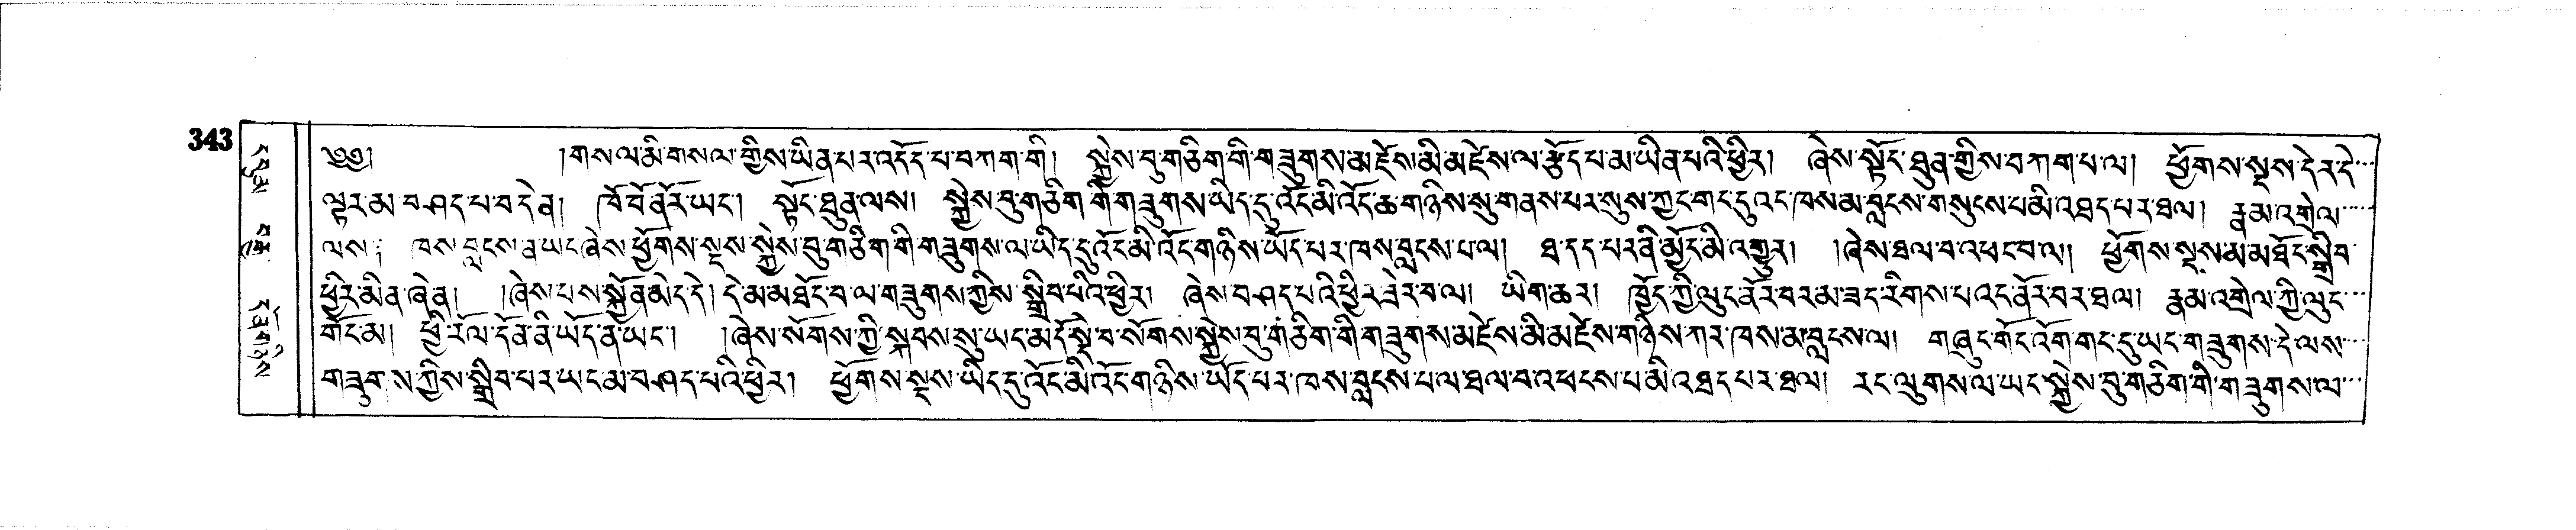༄༅། །གསལ་མི་གསལ་གྱིས་ཡིན་པར་འདོད་པ་བཀག་གི། སྐྱེས་བུ་གཅིག་གི་གཟུགས་མཛེས་མི་མཛེས་ལ་རྩོད་པ་མ་ཡིན་པའི་ཕྱིར། ཞེས་སྟོང་ཐུན་གྱིས་བཀག་པ་ལ། ཕྱོགས་སྔས་དེར་དེ་
ལྟར་མ་བཤད་པ་བདེན། ཁོ་བོ་ནོར་ཡང་། སྟོང་ཐུན་ལས། སྐྱེས་བུ་གཅིག་གི་གཟུགས་ཡིད་དུ་འོང་མི་འོང་ཆ་གཉིས་སུ་གནས་པར་སུས་ཀྱང་གང་དུའང་ཁས་མ་བླངས་གསུངས་པ་མི་འཐད་པར་ཐལ། རྣམ་འགྲེལ་
ལས། ཁས་བླངས་ན་ཡང་ཞེས་ཕྱོགས་སྡས་སྐྱེས་བུ་གཅིག་གི་གཟུགས་ལ་ཡིད་དུ་འོང་མི་འོང་གཉིས་ཡོད་པར་ཁས་བླངས་པ་ལ། ཐ་དད་པར་ནི་མྱོང་མི་འགྱུར། །ཞེས་ཐལ་བ་འཕང་བ་ལ། ཕྱོགས་སྔས་མ་མཐོང་སྒྲིབ་
ཕྱིར་མིན་ཞེ་ན། །ཞེས་པས་སྐྱོན་མེད་དེ། དེ་མ་མཐོང་བ་ལ་གཟུགས་ཀྱིས་སྒྲིབ་པའི་ཕྱིར། ཞེས་བཤད་པའི་ཕྱིར་ཟེར་བ་ལ། ཡིག་ཆར། ཁྱོད་ཀྱི་ལུང་ནོར་བར་མ་ཟད་རིགས་པའང་ནོར་བར་ཐལ། རྣམ་འགྲེལ་ཀྱི་ལུང་
གོང་མ། ཕྱི་རོལ་དོན་ནི་ཡོད་ན་ཡང་། །ཞེས་སོགས་ཀྱི་སྐབས་སུ་ཡང་མདོ་སྡེ་བ་སོགས་སྐྱེས་བུ་གཅིག་གི་གཟུགས་མཛེས་མི་མཛེས་གཉིས་ཀར་ཁས་མ་བླངས་ལ། གཞུང་གོང་འོག་གང་དུ་ཡང་གཟུགས་དེ་ལས་
གཟུགས་ཀྱིས་སྒྲིབ་པར་ཡང་མ་བཤད་པའི་ཕྱིར། ཕྱོགས་སྔས་ཡིད་དུ་འོང་མི་འོང་གཉིས་ཡོད་པར་ཁས་བླངས་པ་ལ་ཐལ་བ་འཕངས་པ་མི་འཐད་པར་ཐལ། རང་ལུགས་ལ་ཡང་སྐྱེས་བུ་གཅིག་གི་གཟུགས་ལ་